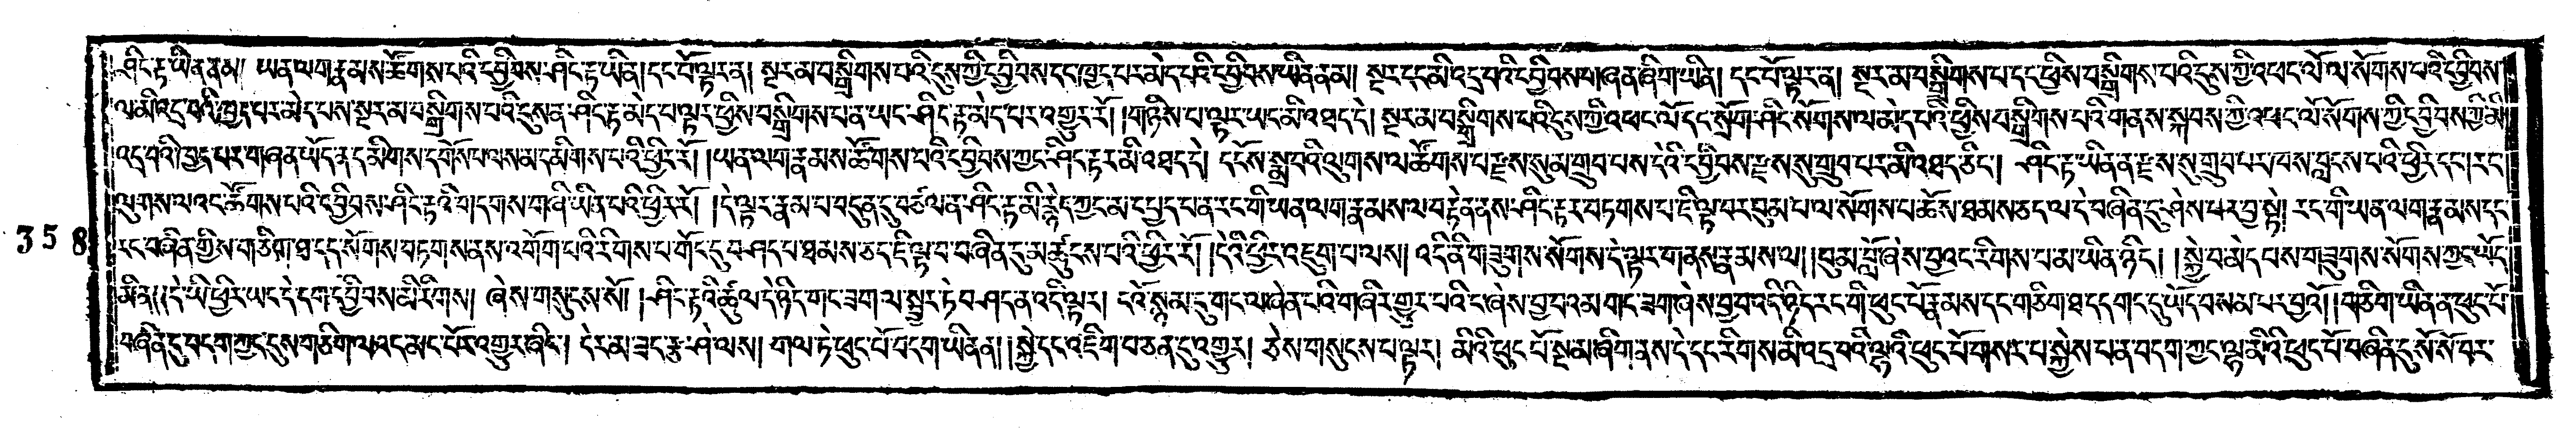ཤིང་རྟ་ཡིན་ནམ། ཡན་ལག་རྣམས་ཚོགས་པའི་དབྱིབས་ཤིང་རྟ་ཡིན། དང་པོ་ལྟར་ན། སྔར་མ་བསྒྲིགས་པའི་དུས་ཀྱི་དབྱིབས་དང་ཁྱད་པར་མེད་པའི་དབྱིབས་ཡིན་ནམ། སྔར་དང་མི་འདྲ་བའི་དབྱིབས་གཞན་ཞིག་ཡིན། དང་པོ་ལྟར་ན། སྔར་མ་བསྒྲིགས་པ་དང་ཕྱིས་བསྒྲིགས་པའི་དུས་ཀྱི་འཕང་ལོ་ལ་སོགས་པའི་དབྱིབས་
ལ་མི་འདྲ་བའི་ཁྱད་པར་མེད་པས་སྔར་མ་བསྒྲིགས་པའི་དུས་ན་ཤིང་རྟ་མེད་པ་ལྟར་ཕྱིས་བསྒྲིགས་པ་ན་ཡང་ཤྭིང་རྟ་མེད་པར་འགྱུར་རོ། །གཉིས་པ་ལྟར་ཡང་མི་འཐད་དེ། སྔར་མ་བསྒྲིགས་པའི་དུས་ཀྱི་འཕང་ལོ་དང་སྲོག་ཤིང་སོགས་ལ་མེད་པའི་ཕྱིས་བསྒྲིགས་པའི་གནས་སྐབས་ཀྱི་འཕང་ལོ་སོགས་ཀྱི་དབྱིབས་ཀྱི་མི་
འདྲ་བའི་ཁྱད་པར་གཞན་ཡོད་ན་དམིགས་དགོས་པ་ལས་མ་དམིགས་པའི་ཕྱིར་རོ། །ཡན་ལག་རྣམས་ཚོགས་པའི་དབྱིབས་ཀྱང་ཤིང་རྟར་མི་འཐད་དེ། དངོས་སྨྲ་བའི་ལུགས་ལ་ཆོགས་པ་རྫས་སུ་མ་གྲུབ་པས་དེའི་དབྱིབས་རྫས་སུ་གྲུབ་པར་མི་འཐད་ཅིང་། ཤིང་རྟ་ཡིན་ན་རྫས་སུ་གྲུབ་པར་ཁས་བླངས་པའི་ཕྱིར་དང་། རང་
ལུགས་ལའང་ཚོགས་པའི་དབྱིབས་ཤིང་རྟའི་གདགས་གཞི་ཡིན་པའི་ཕྱིར་རོ། །དེ་ལྟར་རྣམ་པ་བདུན་དུ་བཙལ་ན་ཤིང་རྟ་མི་རྙེད་ཀྱང་མ་དཔྱད་པ་ན་རང་གི་ཡན་ལག་རྣམས་ལ་བརྟེན་ནས་ཤིང་རྟར་བཏགས་པ་ཇི་ལྟ་བར་བུམ་པ་ལ་སོགས་པ་ཆོས་ཐམས་ཅད་ལ་དེ་བཞིན་དུ་ཤེས་པར་བྱ་སྟེ། རང་གི་ཡན་ལག་རྣམས་དང་
རང་བཞིན་གྱིས་གཅིག་ཐ་དད་སོགས་བཏགས་ནས་འགོག་པའི་རིགས་པ་གོང་དུ་བཤད་པ་ཐམས་ཅད་ཇི་ལྟ་བ་བཞིན་དུ་མཚུངས་པའི་ཕྱིར་རོ། །དེའི་ཕྱིར་འཇུག་པ་ལས། འདི་ནི་གཟུགས་སོགས་དེ་ལྟར་གནས་རྣམས་ལ། །བུམ་བློ་ཞེས་བྱའང་རིགས་པ་མ་ཡིན་ཉིད། །སྐྱེ་བ་མེད་པས་གཟུགས་སོགས་ཀྱང་ཡོད་
མིན༑ ༑དེ་ཡི་ཕྱིར་ཡང་དེ་དག་དབྱིབས་མི་རིགས། ཞེས་གསུངས་སོ། །ཤིང་རྟའི་ཚུལ་དེ་ཉིད་གང་ཟག་ལ་སྦྱར་ཏེ་བཤད་ན་འདི་ལྟར། ང་སྙམ་དུ་གང་ལ་ཞེན་པའི་གཞིར་གྱུར་པའི་ང་ཞེས་བྱ་བའམ་གང་ཟག་ཞེས་བྱ་བ་འདི་ཉིད་རང་གི་ཕུང་པོ་རྣམས་དང་གཅིག་ཐ་དད་གང་དུ་ཡོད་བསམ་པར་བྱའོ། །གཅིག་ཡིན་ན་ཕུང་པོ་
བཞིན་དུ་བདག་ཀྱང་དུས་གཅིག་ལའང་མང་པོར་འགྱུར་ཞིང་། དེར་མ་ཟད་རྩ་ཤེ་ལས། གལ་ཏེ་ཕུང་པོ་བདག་ཡིན་ན། །སྐྱེ་དང་འཇིག་པ་ཅན་དུ་འགྱུར། ཅེས་གསུངས་པ་ལྟར། མིའི་ཕུང་པོ་སྔ་མ་ཞིག་ནས་དེ་དང་རིགས་མི་འདྲ་བའི་ལྷའི་ཕུང་པོ་གསར་པ་སྐྱེས་པ་ན་བདག་ཀྱང་ལྷ་མིའི་ཕུང་པོ་བཞིན་དུ་སོ་སོ་བར་